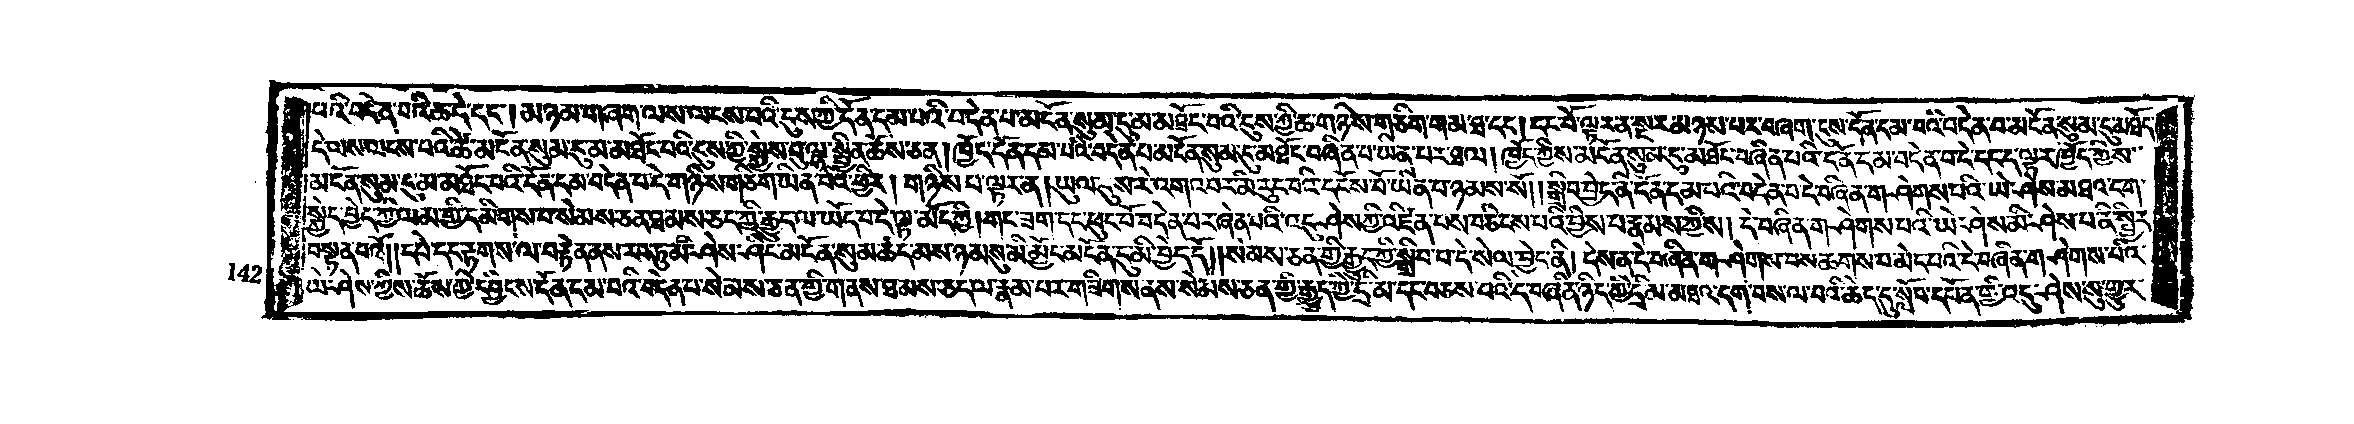པའི་བདེན་པའི་ཆ་དེ་དང་། མཉམ་གཞག་ལས་ལངས་པའི་དུས་ཀྱི་དོན་དམ་པའི་བདེན་པ་མངོན་སུམ་དུ་མ་མཐོང་བའི་དུས་ཀྱི་ཆ་གཉིས་གཅིག་གམ་ཐ་དང་། དང་པོ་ལྟར་ན་སྔར་མཉམ་པར་བཞག་དུས་དོན་དམ་པའི་བདེན་པ་མངོན་སུམ་དུ་མཐོང་
དེ་ལས་ལངས་པའི་ཚེ་མངོན་སུམ་དུ་མ་མཐོང་བའི་དུས་ཀྱི་སྐྱེས་བུ་ལྷ་སྦྱིན་ཆོས་ཅན། ཁྱོད་དོན་དམ་པའི་བདེན་པ་མངོན་སུམ་དུ་མཐོང་བཞིན་པ་ཡིན་པར་ཐལ། ཁྱོད་ཀྱིས་མངོན་སུམ་དུ་མཐོང་བཞིན་པའི་དོན་དམ་བདེན་པ་དེ་དང་ད་ལྟར་ཁྱོད་ཀྱིས་
མངོན་སུམ་དུ་མ་མཐོང་བའི་དོན་དམ་བདེན་པ་དེ་གཉིས་གཅིག་ཡིན་པའི་ཕྱིར། །གཉིས་པ་ལྟར་ན། ཡུལ་དུས་རེ་འགའ་བར་མི་རུང་བའི་དངོས་པོ་ཡིན་པ་ཉམས་སོ། །སྒྲིབ་བྱེད་ནི་དོན་དམ་པའི་བདེན་པ་དེ་བཞིན་གཤེགས་པའི་ཡེ་ཤེས་མཐའ་དག་
སྐྱེད་བྱེད་ཀྱི་ལམ་གྱི་དམིགས་པ་སེམས་ཅན་ཐམས་ཅད་ཀྱི་རྒྱུད་ལ་ཡོད་པ་དེ་ལྟ་མོད་ཀྱི། གང་ཟག་དང་ཕུང་པོ་བདེན་པར་ཞེན་པའི་འདུ་ཤེས་ཀྱི་འཛིན་པས་བཅིངས་པའི་བྱིས་པ་རྣམས་ཀྱིས། དེ་བཞིན་གཤེགས་པའི་ཡེ་ཤེས་མི་ཤེས་པ་ནི་སྤྱིར་
བསྟན་པའོ། །དཔེ་དང་རྟགས་ལ་བརྟེན་ནས་རབ་ཏུ་མི་ཤེས་ཤིང་མངོན་སུམ་ཚད་མས་ཉམས་སུ་མི་མྱོང་མངོན་དུ་མི་བྱེད་དོ། །སེམས་ཅན་གྱི་རྒྱུད་ཀྱི་སྒྲིབ་པ་དེ་སེལ་བྱེད་ནི། དེས་ན་དེ་བཞིན་གཤེགས་པས་ཆགས་པ་མེད་པའི་དེ་བཞིན་གཤེགས་པའི་
ཡེ་ཤེས་ཀྱིས་ཆོས་ཀྱི་དབྱིངས་དོན་དམ་པའི་བདེན་པ་སེམས་ཅན་གྱི་གནས་ཐམས་ཅད་ལ་རྣམ་པར་གཟིགས་ནས་སེམས་ཅན་གྱི་རྒྱུད་ཀྱི་དྲི་མ་དང་བཅས་པའི་དེ་བཞིན་ཉིད་ཀྱི་དྲི་མ་མཐའ་དག་བསལ་བའི་ཆེད་དུ་སློབ་དཔོན་གྱི་འདུ་ཤེས་སུ་གྱུར་